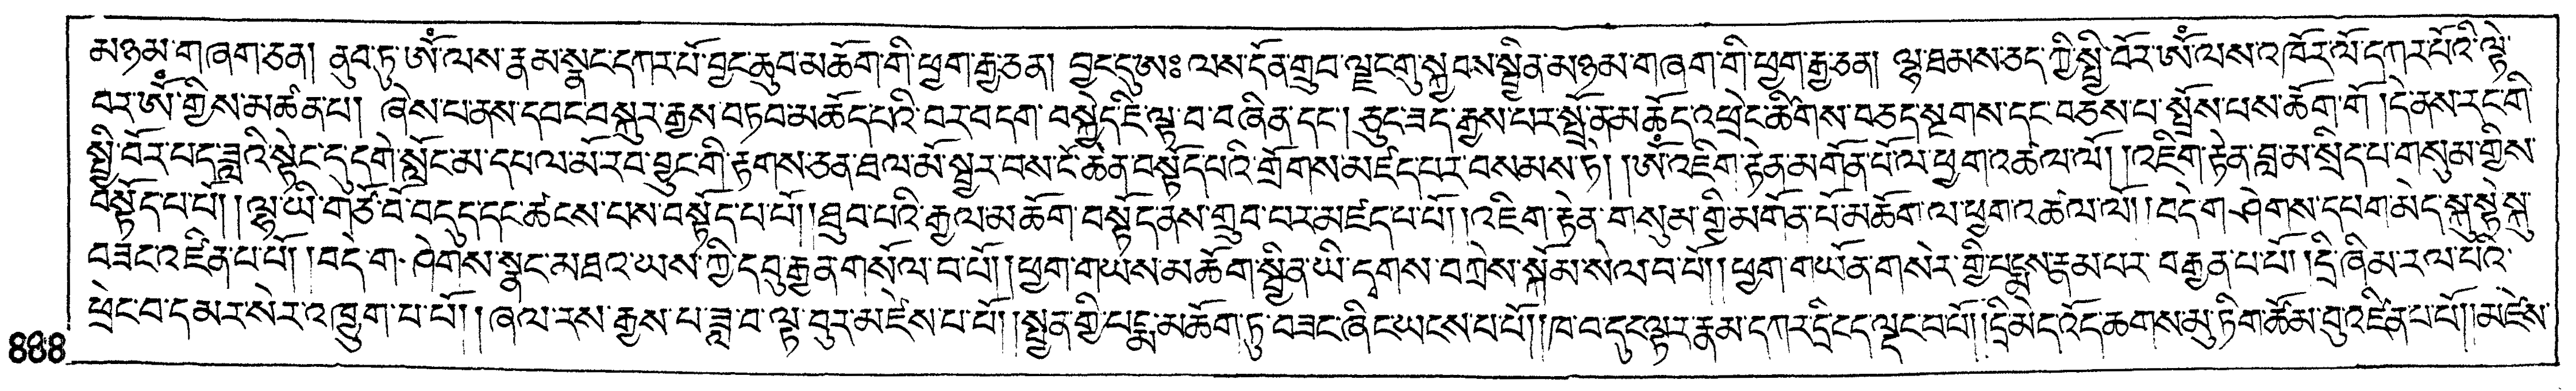མཉམ་གཞག་ཅན། ནུབ་ཏུ་ཨོཾ་ལས་རྣམ་སྣང་དཀར་པོ་བྱང་ཆུབ་མཆོག་གི་ཕྱག་རྒྱ་ཅན། བྱང་དུ་ཨཿ ལས་དོན་གྲུབ་ལྗང་གུ་སྐྱབས་སྦྱིན་མཉམ་གཞག་གི་ཕྱག་རྒྱ་ཅན། ལྷ་ཐམས་ཅད་ཀྱི་སྤྱི་བོར་ཨོཾ་ལས་འཁོར་ལོ་དཀར་པོའི་ལྟེ་
བར་ཨོཾ་གྱིས་མཚན་པ། ཞེས་པ་ནས་དབང་བསྐུར་རྒྱས་བཏབ་མཆོད་པའི་བར་བདག་བསྐྱེད་ཇི་ལྟ་བ་བཞིན་དང་། ཅུང་ཟད་རྒྱས་པར་སྤྲོ་ན་མཆོད་འཕྲེང་ཚིགས་བཅད་སྔགས་དང་བཅས་པ་སྤྲོས་པས་ཆོག་གོ །དེ་ནས་རང་གི་
སྤྱི་བོར་པད་ཟླའི་སྟེང་དུ་དགེ་སློང་མ་དཔལ་མོ་རབ་བྱུང་གི་རྟགས་ཅན་ཐལ་མོ་སྦྱར་བས་ངོ་ཆེན་བསྟོད་པའི་གྲོགས་མཛད་པར་བསམས་ཏེ། །ཨོཾ་འཇིག་རྟེན་མགོན་པོ་ལ་ཕྱག་འཚལ་ལོ། །འཇིག་རྟེན་བླ་མ་སྲིད་པ་གསུམ་གྱིས་
བསྟོད་པ་པོ། །ལྷ་ཡི་གཙོ་བོ་བདུད་དང་ཚངས་པས་བསྟོད་པ་པོ། །ཐུབ་པའི་རྒྱལ་མཆོག་བསྟོད་ནས་གྲུབ་པར་མཛད་པ་པོ། །འཇིག་རྟེན་གསུམ་གྱི་མགོན་པོ་མཆོག་ལ་ཕྱག་འཚལ་ལོ། །བདེ་གཤེགས་དཔག་མེད་སྐུ་སྟེ་སྐུ་
བཟང་འཛིན་པ་པོ། །བདེ་གཤེགས་སྣང་མཐའ་ཡས་ཀྱི་དབུ་རྒྱན་གསོལ་བ་པོ། །ཕྱག་གཡས་མཆོག་སྦྱིན་ཡི་དྭགས་བཀྲེས་སྐོམ་སེལ་བ་པོ། །ཕྱག་གཡོན་གསེར་གྱི་པདམས་རྣམ་པར་བརྒྱན་པ་པོ། །དྲི་ཞིམ་རལ་པའི་
ཕྲེང་བ་དམར་སེར་འཁྱུག་པ་པོ། །ཞལ་རས་རྒྱས་པ་ཟླ་བ་ལྟ་བུར་མཛེས་པ་པོ། །སྤྱན་གྱི་པདམ་མཆོག་ཏུ་བཟང་ཞིང་ཡངས་པ་པོ། །ཁ་བ་དུང་ལྟར་རྣམ་དཀར་དྲི་ངད་ལྡང་བ་པོ། །དྲི་མེད་འོད་ཆགས་མུ་ཏིག་ཚོམ་བུ་འཛིན་པ་པོ། །མཛེས་